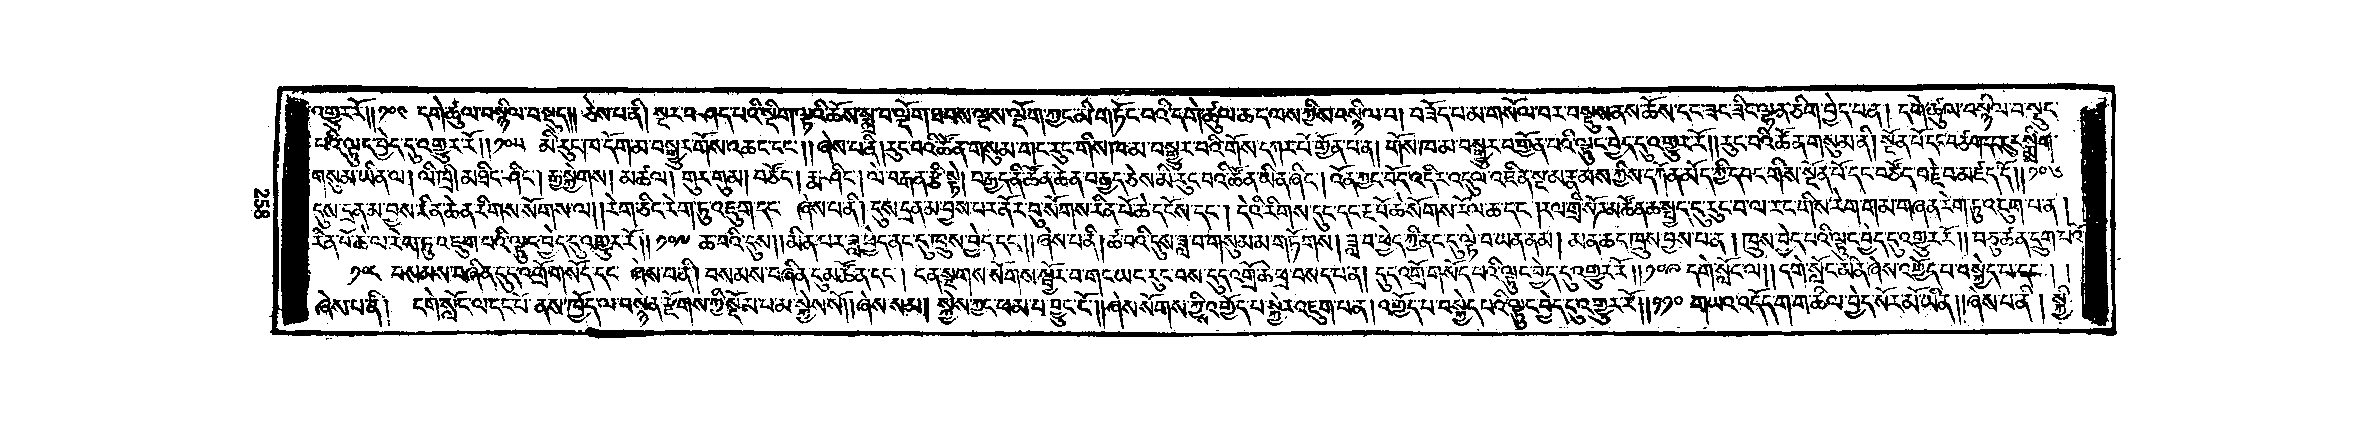འགྱུར་རོ། །དགེ་ཚུལ་བསྙིལ་བ་སྡུད། །ཅེས་པ་ནི། སྔར་བཤད་པའི་སྡིག་ལྟའི་ཆོས་སྨྲ་བ་ལྡོག་ཐབས་ལྔས་ལྡོག་ཀྱང་མི་གཏོང་བའི་དགེ་ཚུལ་ཆད་ལས་ཀྱིས་བསྙིལ་བ། བཟོད་པ་མ་གསོལ་བར་བསྡུས་ནས་ཆོས་དང་ཟང་ཟིང་ལྷན་ཅིག་བྱེད་པ་ན། དགེ་ཚུལ་བསྙིལ་བ་སྡུད་
པའི་ལྟུང་བྱེད་དུ་འགྱུར་རོ། །མི་རུང་ཁ་དོག་མ་བསྒྱུར་གོས་འཆང་དང་། །ཞེས་པ་ནི། རུང་བའི་ཚོན་གསུམ་གང་རུང་གིས་ཁ་མ་བསྒྱུར་བའི་གོས་དཀར་པོ་གྱོན་པ་ན། གོས་ཁ་མ་བསྒྱུར་བ་གྱོན་པའི་ལྟུང་བྱེད་དུ་འགྱུར་རོ། །རུང་བའི་ཚོན་གསུམ་ནི་།སྔོན་པོ་དང་བཙག་དང་ངུར་སྨྲིག་
གསུམ་ཡིན་ལ། ལི་ཁྲི། མཐིང་ཤིང་། རྒྱ་སྐྱེགས། མཚལ། གུར་གུམ། བཙོང་། རྨ་ཤིང་། ལེ་བརྒྱན་རྩི་སྟེ། བརྒྱད་ནི་ཚོན་ཆེན་བརྒྱད་ཅེས་མི་རུང་བའི་ཚོན་ཡིན་ཞིང་། འོན་ཀྱང་བོད་འདིར་འདུལ་འཛིན་སྔ་མ་རྣམས་ཀྱིས་དཀོན་མོད་ཀྱི་དབང་གིས་སྔོན་པོ་དང་བཙོད་བརྗེ་བ་མཛད་དོ། །
དུས་དྲན་མ་བྱས་རིན་ཆེན་རིགས་སོགས་ལ། །རེག་ཅིང་རེག་ཏུ་འཇུག་དང་ཞེས་པ་ནི། དུས་དྲན་མ་བྱས་པར་ནོར་བུ་སོགས་རིན་པོ་ཆེ་དངོས་དང་། དེའི་རིགས་དུང་དང་རྔ་པོ་ཆེ་སོགས་རོལ་ཆ་དང་། རལ་གྲི་སོགས་མཚོན་ཆ་སྤྱད་དུ་རུང་བ་ལ་རང་གིས་རེག་གམ་གཞན་རེག་ཏུ་འདུག་པ་ན།
རིན་པོ་ཆེ་ལ་རེག་ཏུ་འཇུག་པའི་ལྟུང་བྱེད་དུ་འགྱུར་རོ། །ཆ་བའི་དུས། །མིན་པར་ཟླ་ཕྱེད་ནང་དུ་ཁྲུས་བྱེད་དང་། །ཞེས་པ་ནི། ཚ་བའི་དུས་ཟླ་བ་གསུམ་མ་གཏོགས། ཟླ་བ་ཕྱེད་ཀྱི་ནང་དུ་ལྟེ་བ་ཡན་ནམ། མན་ཆད་ཁྲུས་བྱས་པ་ན། ཁྲུས་བྱེད་པའི་ལྟུང་བྱེད་དུ་འགྱུར་རོ། །བཅུ་ཚན་དྲུག་པའོ། །
བསམས་བཞིན་དུད་འགྲོ་གསོད་དང་ཞེས་པ་ནི། བསམས་བཞིན་དུ་མཚོན་དང་། ངན་སྔགས་སོགས་སྦྱོར་བ་གང་ཡང་རུང་བས་དུད་འགྲོ་ཆེ་ཕྲ་བསད་པ་ན། དུད་འགྲོ་གསོད་པའི་ལྟུང་བྱེད་དུ་འགྱུར་རོ། །དགེ་སློང་ལ། །དགེ་སློང་མིན་ཞེས་འགྱོད་པ་བསྐྱེད་པ་དང་། །
ཞེས་པ་ནི། དགེ་སློང་ལ་དང་པོ་ནས་ཁྱོད་ལ་བསྙེན་རྫོགས་ཀྱི་སྡོམ་པ་མ་སྐྱེས་སོ། །ཞེས་སམ། སྐྱེས་ཀྱང་ཕམ་པ་བྱུང་ངོ། །ཞེས་སོགས་ཀྱིས་འགྱོད་པ་སྐྱེར་འཇུག་པ་ན། འགྱོད་པ་བསྐྱེད་པའི་ལྟུང་བྱེད་དུ་འགྱུར་རོ། །གཡའ་འདོད་ག་ག་ཚིལ་བྱེད་སོར་མོ་ཡིན། །ཞེས་པ་ནི། སྐྱི་